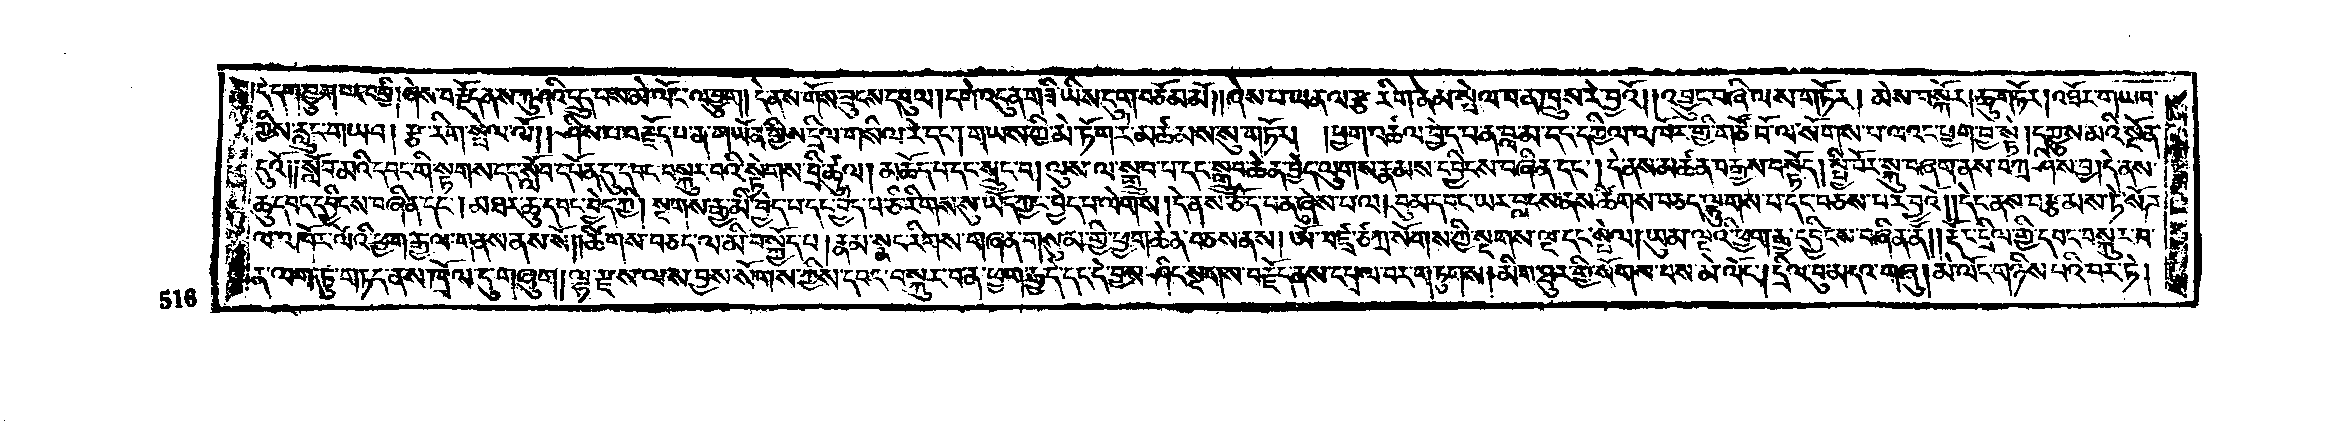དེ་དག་བྱུག་བར་བགྱི། ཞེས་བརྗོད་ནས་ཀུ་ཤའི་དྲུད་པས་མེ་ལོང་ལ་བྱུག། དེ་ནས་གོས་ཟུངས་དབུལ། དགེ་འདུན་གཟི་ཡིས་དུག་བཅོམ་མོ། །ཞེས་པ་ཡན་ལ་རྩ་རིག་ནམ་སྤེལ་བ་ན་ཁྲུས་རེ་བྱའོ། །འབྱུང་བཞི་ལས་གཏོར། མེས་བསྐོར། ཆུ་གཏོར། འཐོར་གཡབ་
ཀྱིས་རླུང་གཡབ། རྩ་རིག་སྤེལ་ལོ། །ཤིས་པ་བརྗོད་པ་ན་གཡོན་གྱིས་དྲིལ་གསིལ་རེ་དང་། གཡས་ཀྱི་མེ་ཏོག་རེ་མཚམས་སུ་གཏོར། །ཕྱག་འཚལ་བྱེད་པ་ན་བླ་མ་དང་དཀྱིལ་འཁོར་གྱི་གཙོ་བོ་ལ་སོགས་པ་ལའང་ཕྱག་བྱ་སྟེ། དཀྱུས་མའི་སྔོན་
དུའོ། །སློབ་མའི་དབང་གི་སྟགས་དང་སློབ་དཔོན་དུ་དབང་བསྐུར་བའི་སྟེགས་བྲི་ཚུལ། མཆོད་པ་དང་སྲུང་བ། ལུས་ལ་སྒྲུབ་པ་དང་སྒྲུབ་ཆེན་བྱེད་ལུགས་རྣམས་དབྱིངས་བཞིན་དང་། དེ་ནས་མཚན་བརྒྱས་བསྟོད། སྤྱི་བོར་སྐུ་བཞག་ནས་བཀྲ་ཤིས་བྱ། དེ་ནས་
ཆུ་དབང་དབྱིངས་བཞིན་དང་། མཐར་ཆུ་དབང་བྱེད་ཀྱི། སྔགས་རྒྱ་མི་བྱེད་པ་དང་བྱེད་པ་ཅི་རིགས་སུ་ཡོད་ཀྱང་བྱེད་པ་ལེགས། དེ་ནས་ཅོད་པན་ཞེས་པ་ལ། བུམ་དབང་ཡར་བླངས་ནས་ཚིགས་བཅད་ལྷུགས་པ་དང་བཅས་པར་བྱའོ། །དེང་ནས་བརྩམས་ཏེ་སོགས་
ལ་འཁོར་ལོའི་ཕྱག་རྒྱལ་གནས་ནས་སོ། །ཚིགས་བཅད་ལ་མི་བསྐྱོད་པ། རྣམ་སྣང་རིགས་གཞན་གསུམ་གྱི་ཕྱག་ཆེན་བཅས་ནས། ཨོཾ་བཛྲ་ཙཀྲ་སོགས་ཀྱི་སྔགས་ལྔ་དང་སྤེལ། ཡུམ་ལྔའི་ཕྱག་རྒྱ་དབྱིངས་བཞིན་ནོ། །རྡོར་དྲིལ་གྱི་དབང་བསྐུར་བ་
ན་ལག་ཏུ་གཏད་ནས་ཁྲོལ་དུ་གཞུག །ལྷ་རྫས་ལས་བྱས་སོགས་ཀྱིས་དབང་བསྐུར་བ་ན་ཕྱག་རྒྱ་དེ་དང་དེ་བྱས་ཤིང་སྔགས་བརྗོད་ནས་དཔྲལ་བར་གཏུགས། མིག་ཐུར་གྱི་སོགས་པས་མེ་ལོང་། དྲིལ་བུ་མདའ་གཞུ། མེ་ལོང་གཉིས་པའི་བར་ཏེ།